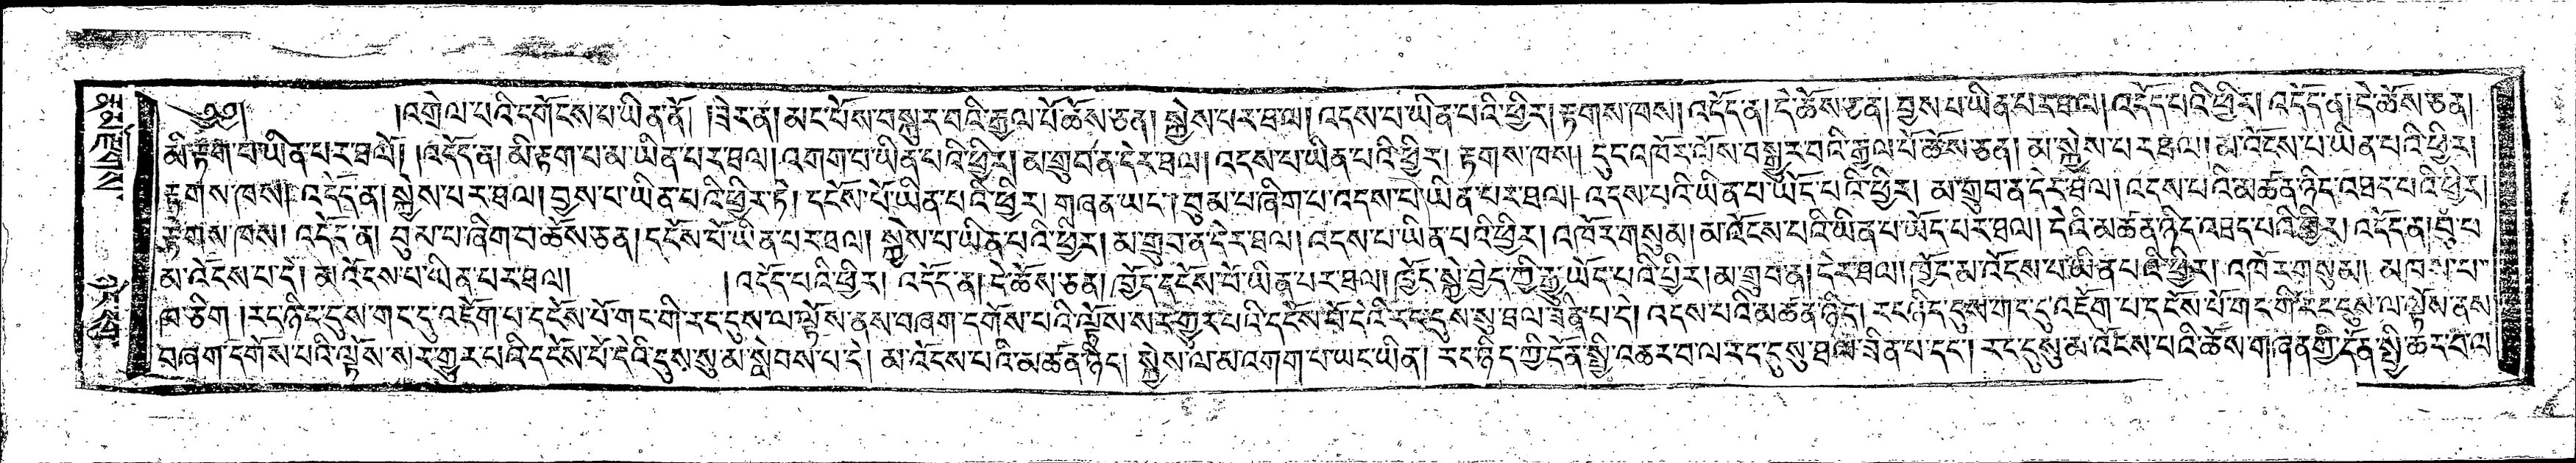༄༅། །འགྲེལ་པའི་དགོངས་པ་ཡིན་ནོ། །ཟེར་ན། མང་པོས་བསྐུར་བའི་རྒྱལ་པོ་ཆོས་ཅན། སྐྱེས་པར་ཐལ། འདས་པ་ཡིན་པའི་ཕྱིར། རྟགས་ཁས། འདོད་ན། དེ་ཆོས་ཅན། བྱས་པ་ཡིན་པར་ཐལ། འདོད་པའི་ཕྱིར། འདོད་ན། དེ་ཆོས་ཅན།
མི་རྟག་པ་ཡིན་པར་ཐལ་ལོ། །འདོད་ན། མི་རྟག་པ་མ་ཡིན་པར་ཐལ། འགག་པ་ཡིན་པའི་ཕྱིར། མ་གྲུབ་ན་དེར་ཐལ། འདས་པ་ཡིན་པའི་ཕྱིར། རྟགས་ཁས། དུང་འཁོར་ལོས་བསྒྱུར་བའི་རྒྱལ་པོ་ཆོས་ཅན། མ་སྐྱེས་པར་ཐལ། མ་འོངས་པ་ཡིན་པའི་ཕྱིར།
རྟགས་ཁས། འདོད་ན། སྐྱེས་པར་ཐལ། བྱས་པ་ཡིན་པའི་ཕྱིར་ཏེ། དངོས་པོ་ཡིན་པའི་ཕྱིར། གཞན་ཡང་། བུམ་པ་ཞིག་པ་འདས་པ་ཡིན་པར་ཐལ། འདས་པའི་ཡིན་པ་ཡོད་པའི་ཕྱིར། མ་གྲུབ་ན་དེར་ཐལ། འདས་པའི་མཚན་ཉིད་འཐད་པའི་ཕྱིར།
རྟགས་ཁས། འདོད་ན། བུམ་པ་ཞིག་བ་ཆོས་ཅན། དངོས་པོ་ཡིན་པར་ཐལ། སྐྱེས་པ་ཡིན་པའི་ཕྱིར། མ་གྲུབ་ན་དེར་ཐལ། འདས་པ་ཡིན་པའི་ཕྱིར། འཁོར་གསུམ། མ་འོངས་པའི་ཡིན་པ་ཡོད་པར་ཐལ། དེའི་མཚན་ཉིད་འཐད་པའི་ཕྱིར། འདོད་ན། བུམ་པ་
མ་འོངས་པ་དེ། མ་འོངས་པ་ཡིན་པར་ཐལ། །འདོད་པའི་ཕྱིར། འདོད་ན། དེ་ཆོས་ཅན། ཁྱོད་དངོས་པོ་ཡིན་པར་ཐལ། ཁྱོད་སྐྱེ་བྱེད་ཀྱི་རྒྱུ་ཡོད་པའི་ཕྱིར། མ་གྲུབ་ན། དེར་ཐལ། ཁྱོད་མ་འོངས་པ་ཡིན་པའི་ཕྱིར། འཁོར་གསུམ། མཁས་པ་
ཁ་ཅིག །རང་ཉིད་དུས་གང་དུ་འཇོག་པ་དངོས་པོ་གང་གི་རང་དུས་ལ་ལྟོས་ནས་བཞག་དགོས་པའི་ལྟོས་སར་གྱུར་པའི་དངོས་པོ་དེའི་རང་དུས་སུ་ཐལ་ཟིན་པ་དེ། འདས་པའི་མཚན་ཉིད། རང་ཉིད་དུས་གང་དུ་འཇོག་པ་དངོས་པོ་གང་གི་རང་དུས་ལ་ལྟོས་ནས་
བཞག་དགོས་པའི་ལྟོས་སར་གྱུར་པའི་དངོས་པོ་དེའི་དུས་སུ་མ་སླེབས་པ་དེ། མ་འོངས་པའི་མཚན་ཉིད། སྐྱེས་ལ་མ་འགག་པ་ཡང་ཡིན། རང་ཉིད་ཀྱི་དོན་སྤྱི་འཆར་བ་ལ་རང་དུས་སུ་ཐལ་ཟིན་པ་དང་། རང་དུས་སུ་མ་འོངས་པའི་ཆོས་གཞན་གྱི་དོན་སྤྱི་འཆར་བ་ལ་